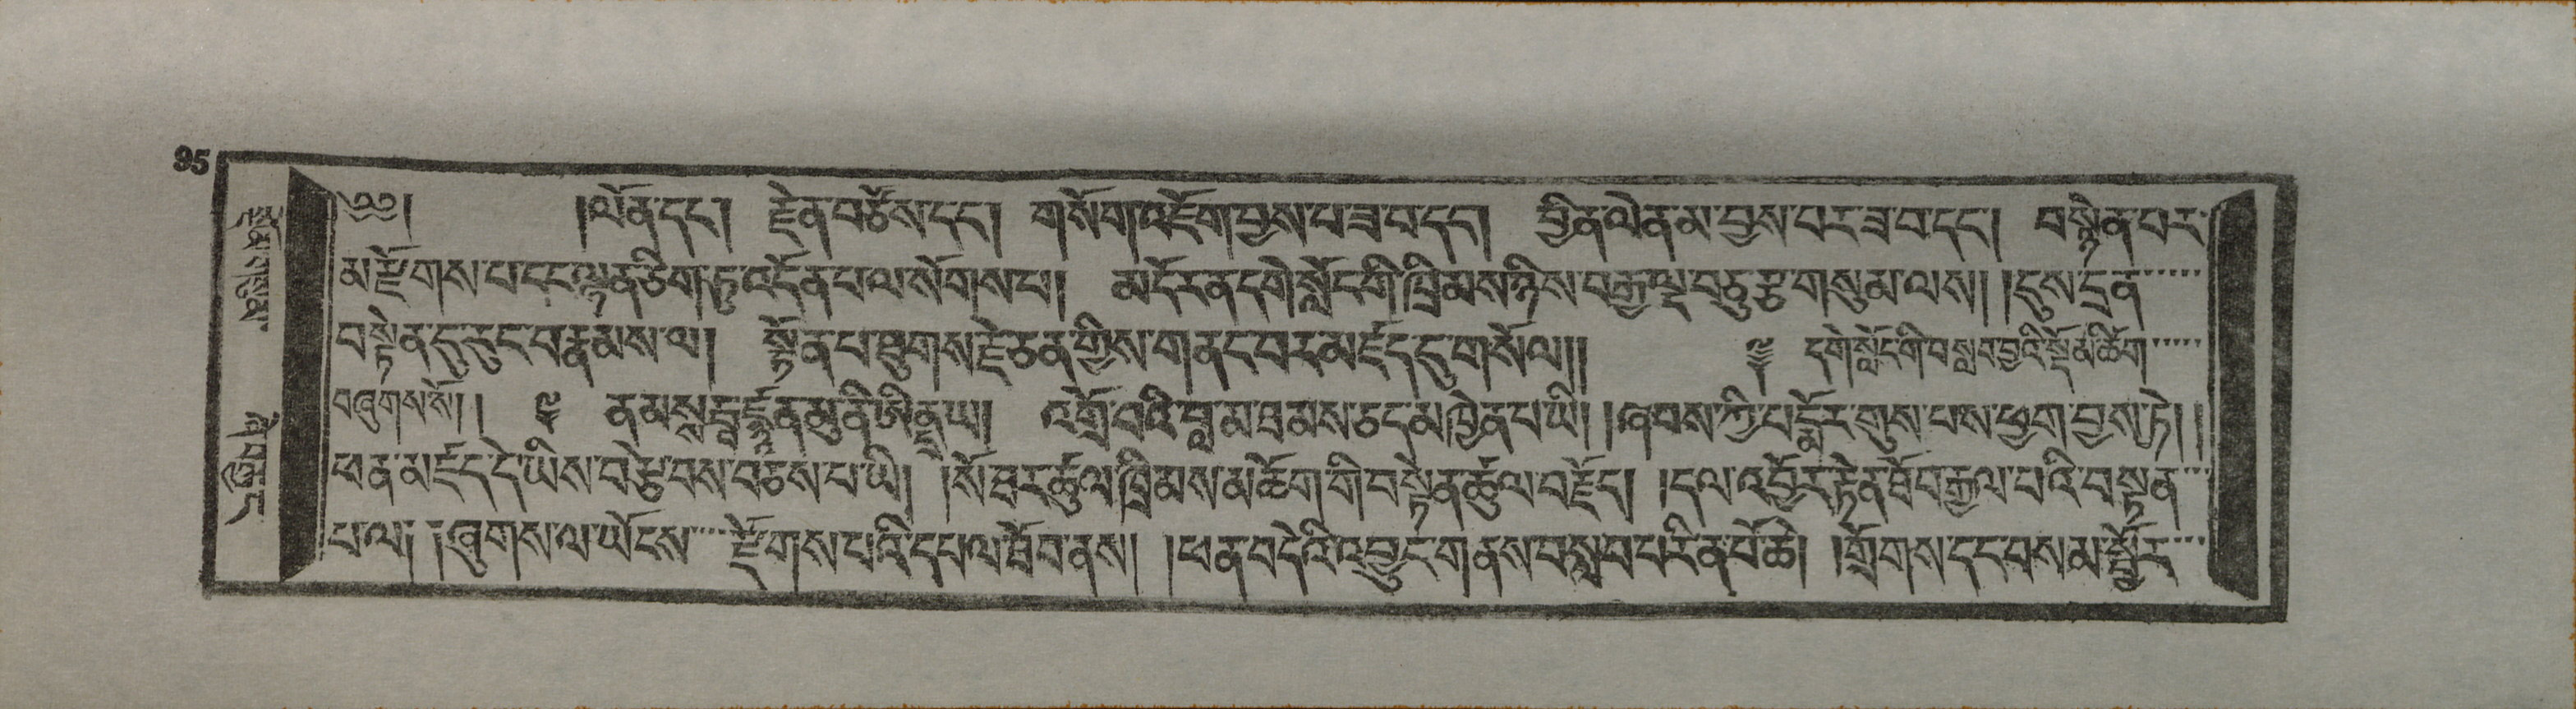༄༅། །ལོན་དང་། རྗེན་བཙོས་དང་། གསོག་འཇོག་བྱས་པ་ཟ་བ་དང་། བྱིན་ལེན་མ་བྱས་པར་ཟ་བ་དང་། བསྙེན་པར་
མ་རྫོགས་པ་དང་ལྷན་ཅིག་ཏུ་འདོན་པ་ལ་སོགས་པ། མདོར་ན་དགེ་སློང་གི་ཁྲིམས་ཉིས་བརྒྱ་ལྔ་བཅུ་རྩ་གསུམ་ལས། །དུས་དྲན་
བསྟེན་དུ་རུང་བ་རྣམས་ལ། སྟོན་པ་ཐུགས་རྗེ་ཅན་གྱིས་གནང་བར་མཛད་དུ་གསོལ། ། དགེ་སློང་གི་བསླབ་བྱའི་སྡོམ་ཚིག་བཞུགས་སོ། །
ནམ་སྶརྦྦ་ཛྙཱ་ན་མུ་ནི་ཨིནྡྲ་ཡ། འགྲོ་བའི་བླ་མ་ཐམས་ཅད་མཁྱེན་པ་ཡི། །ཞབས་ཀྱི་པདམོར་གུས་པས་ཕྱག་བྱས་ཏེ། །
ཕན་མཛད་དེ་ཡིས་བརྩེ་བས་བཅས་པ་ཡི། །སོ་ཐར་ཚུལ་ཁྲིམས་མཆོག་གི་བསྟེན་ཚུལ་བརྗོད། །དལ་འབྱོར་རྟེན་ཐོབ་རྒྱལ་བའི་བསྟན་
པ་ལ། །ཞུགས་ལ་ཡོངས་རྫོགས་པའི་དཔལ་ཐོབ་ནས། །ཕན་བདེའི་འབྱུང་གནས་བསླབ་པ་རིན་པོ་ཆེ། །གྲོགས་དང་བསམ་སྦྱོར་